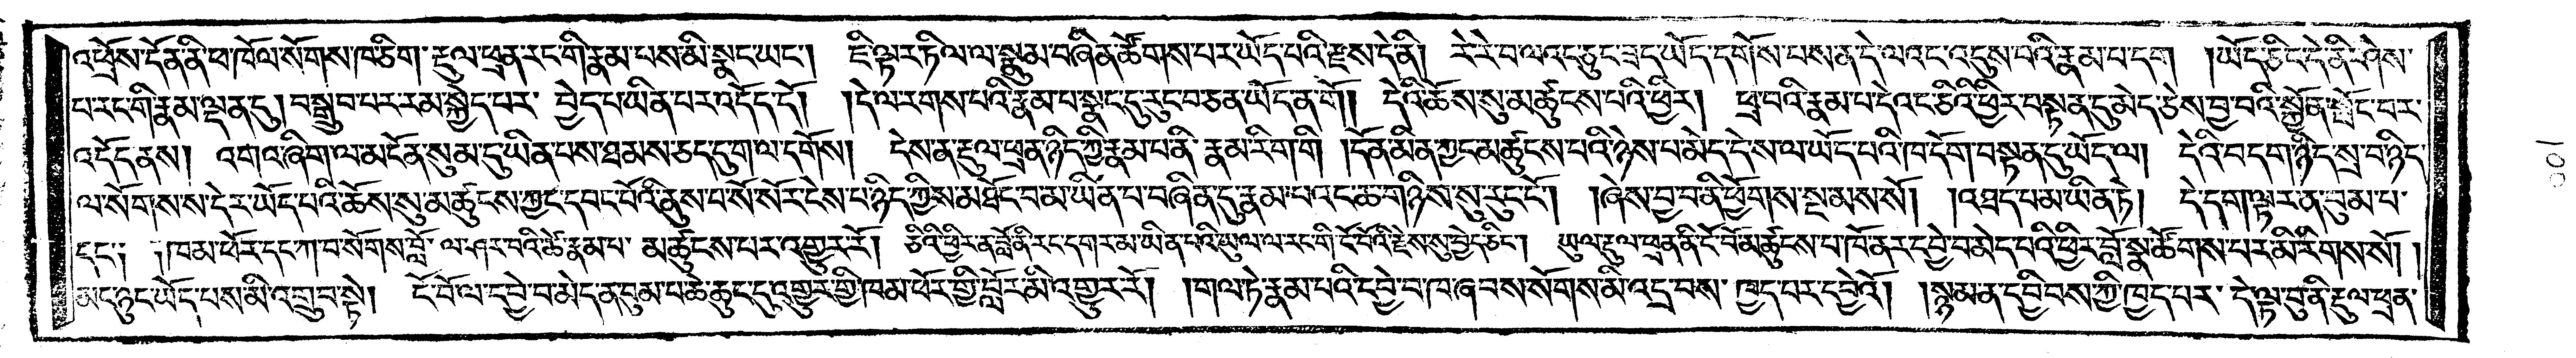འཕྲོས་དོན་ནི་པ་ཁོལ་སོགས་ཁ་ཅིག་རྡུལ་ཕྲན་རང་གི་རྣམ་པས་མི་སྣང་ཡང་། ཇི་ལྟར་ཏིལ་ལ་སྣུམ་བཞིན་ཚོགས་པར་ཡོད་པའི་རྫས་དེ་ནི། ཁྲ་རེ་རེ་བ་ལའང་ཅུང་ཟད་ཡོད་དགོས་པས་ན་དེ་ལའང་འདས་པའི་རྣམ་པ་དག །ཡོད་ཅིང་དེ་ནི་ཤེས་
པ་རང་གི་རྣམ་ལྡན་དུ། བསྒྲུབ་པར་རམ་སྐྱེད་པར་བྱེད་པ་ཡིན་པར་འདོད་དོ། །དེ་ལ་རགས་པའི་རྣམ་པ་སྣང་དུ་རུང་བ་ཅན་ཡོད་ན་གོ། དེའི་ཆོས་སུ་མཚུངས་པའི་ཕྱིར། ཕྲ་བའི་རྣམ་པ་དེའང་ཅིའི་ཕྱིར་བསྟན་དུ་མེད་ཅེས་བྱ་བའི་སྐྱོན་སྤོང་བར་
འདོད་ནས། འགའ་ཞིག་ལ་མངོན་སུམ་དུ་ཡིན་པས་ཐམས་ཅད་དུ་ག་ལ་དགོས། དེས་ན་རྡུལ་ཕྲན་ཉིད་ཀྱི་རྣམ་པ་ནི་རྣམ་རིག་གི །དོན་མིན་ཀྱང་མཚུངས་པའི་ཉེས་པ་མེད་དེ་ས་ལ་ཡོད་པའི་ཁ་དོག་བསྟན་དུ་ཡོད་ལ། དེའི་བདག་ཉིད་སྲ་བ་ཉིད་
ལ་སོགས་ས་དེར་ཡོད་བའི་ཆོས་སུ་མཚུངས་ཀྱང་དབང་པོའི་ནུས་པ་སོ་སོར་ངེས་པ་ཉིད་ཀྱིས་མཐོང་བ་མ་ཡིན་པ་བཞིན་དུ་རྣམ་པའང་ཆ་གཉིས་སུ་རུང་ངོ། །ཞེས་བྱ་བ་ནི་ཕྱོགས་སྔ་མས་སོ། །འཐད་པ་མ་ཡིན་ཏེ། དེ་དག་ལྟར་ན་བུམ་པ་
དང༑ ༑ཁམ་ཕོར་དང་ཀ་བ་སོགས་བློ་ལ་ཤར་བའི་ཚེ་རྣམ་པ་མཚུངས་པར་འགྱུར་རོ། ཅིའི་ཕྱིར་ན་བློ་ནི་རང་དགར་མ་ཡིན་པའི་ཡུལ་ལ་རང་གི་ངོ་བོའི་རྗེས་སུ་བྱེད་ཅིང་། ཡུལ་རྡུལ་ཕྲན་ནི་ངོ་བོ་མཚུངས་པ་ཁོ་ནར་དབྱེ་བ་མེད་པའི་ཕྱིར་བློ་སྣ་ཚོགས་པར་མི་རིགས་སོ། །
མང་ཉུང་ཡོད་བས་མི་འགྲུབ་སྟེ། ངོ་བོ་ལ་དབྱེ་བ་མེད་ན་བུམ་པ་ཆེ་ཆུང་དུ་འགྱུར་གྱི་ཁམ་ཕོར་གྱི་བློར་མི་འགྱུར་རོ། །གལ་ཏེ་རྣམ་པའི་དབྱེ་བ་ཁ་ཞབས་སོགས་མི་འདྲ་བས་ཁྱད་བར་དབྱེའོ། །སྙམ་ན་དབྱིབས་ཀྱི་ཁྱད་པར་དེ་ལྟ་བུ་ནི་རྡུལ་ཕྲན་